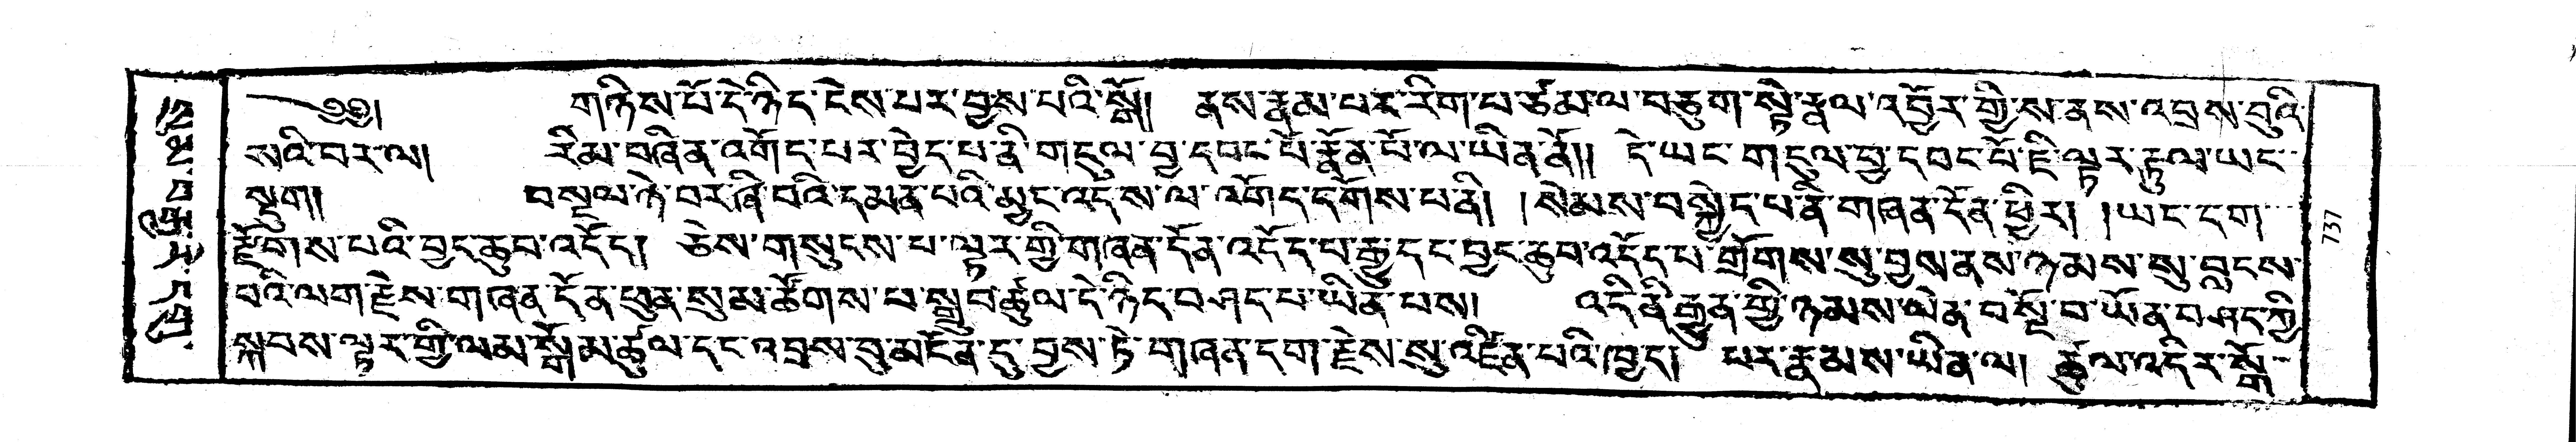༄༅། །གཉིས་པོ་དེ་ཉིད་ངེས་པར་བྱས་པའི་སྒོ། ནས་རྣམ་པར་རིག་པ་ཙམ་ལ་བཅུག་སྟེ་རྣལ་འབྱོར་གྱི་ས་ནས་འབྲས་བུའི་
སའི་བར་ལ། རིམ་བཞིན་འགོད་པར་བྱེད་པ་ནི་གདུལ་བྱ་དབང་པོ་རྣོན་པོ་ལ་ཡིན་ནོ།། དེ་ཡང་གདུལ་བྱ་དབང་པོ་ཇི་ལྟར་རྟུལ་ཡང་
སྡུག། བསྔལ་ཉེ་བར་ཞི་བའི་དམན་པའི་མྱང་འདས་ལ་འགོད་དགོས་པ་ནི། །སེམས་བསྐྱེད་པ་ནི་གཞན་དོན་ཕྱིར། །ཡང་དག་
རྫོགས་པའི་བྱང་ཆུབ་འདོད། ཅེས་གསུངས་པ་ལྟར་གྱི་གཞན་དོན་འདོད་པ་རྒྱུ་དང་བྱང་ཆུབ་འདོད་པ་གྲོགས་སུ་བྱས་ནས་ཉམས་སུ་བླངས་
པའི་ལག་རྗེས་གཞན་དོན་ཕུན་སུམ་ཚོགས་པ་སྒྲུབ་ཚུལ་དེ་ཉིད་བཤད་པ་ཡིན་པས། འདི་ནི་རྒྱུན་གྱི་ཉམས་ལེན་བསྔོ་བ་ཡོན་བཤད་ཀྱི་
སྐབས་ལྟར་གྱི་ལམ་སྒོམ་ཚུལ་དང་འབྲས་བུ་མངོན་དུ་བྱས་ཏེ་གཞན་དག་རྗེས་སུ་འཛིན་པའི་ཁྱད། པར་རྣམས་ཡིན་ལ། ཚུལ་འདིར་སྒོ་